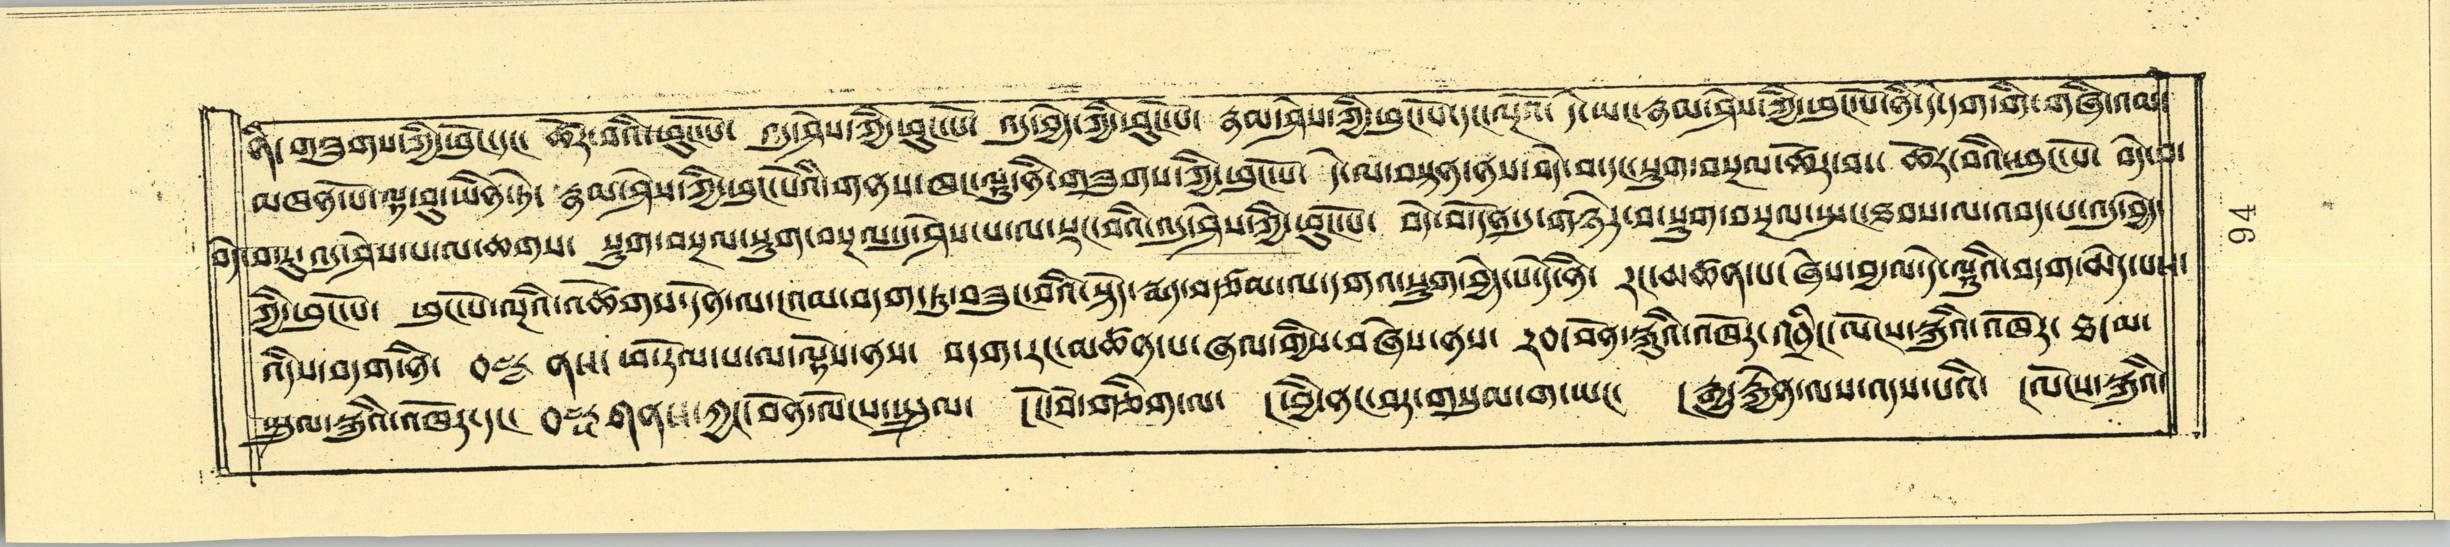༼ནི༽གཟུགས་ཀྱི་ཕུང་པོ་དང་ཚོར་བའི་ཕུང་པོ་འདུ་ཤེས་ཀྱི་ཕུང་པོ་འདུ་བྱེད་ཀྱི་ཕུང་པོ་རྣམ་ཤེས་ཀྱི་ཕུང་པོ་དང་ལྔའོ། དེ་ཡང་རྣམ་ཤེས་ཀྱི་ཕུང་པོ་ནི་དེ་དག་གི་གཞིའམ་
མཁན་པོ་ལྟ་བུ་ཡིན་ཏེ། རྣམ་ཤེས་ཀྱི་ཕུང་པོའི་གནས་ཁང་ལྟ་བུ་ནི་གཟུགས་ཀྱི་ཕུང་པོ། དེ་ལ་བརྟེན་ནས་བདེ་བ་དང་སྡུག་བསྔལ་ཚོར་བ་ཚོར་བའི་ཕུང་པོ། བདེ་བ་
བདེ་བ་རུ་ཤེས་པ་ལ་ཆགས་སྡུག་བསྔལ་སྡུག་བསྔལ་དུ་ཤེས་པ་ལ་སྡང་བའི་འདུ་ཤེས་ཀྱི་ཕུང་པོ། བདེ་བ་དོན་དུ་གཉེར་བ་སྤང་ཐབས་ལ་འབད་པ་འདུ་བྱེད་
ཀྱི་ཕུང་པོ། ཕུང་པོ་ལྔའི་ཚོགས་དོན་ལ་ངའམ་བདག་ཏུ་བཟུང་བའི་བསྟོད་སྨད་ཙམ་ལ་དགའ་སྡུག་བྱེད་པ་ནི་༼རང་མཚན་པ༽ཞེས་བྱ་ལ་དེ་ལ་དེ་ལྟ་བུའི་བདག་མེད་པས་
འདིས་བདག་ནི་བ༤༨།༤༼ནས༽ཕ་རོལ་པ་ལ་ལྟོས་ནས་བདག་རང་མཚན་པ་ཞལ་གྱིས་བཞེས་ནས་༼རབ༽བོན་སྐུའི་འཁོར་༼འབྲིང༽ལོངས་སྐུའི་འཁོར་༼ཐ་མ༽
སྤྲུལ་སྐུའི་འཁོར་དང་བ༤༨།༥༼གནས་ཀྱང་༽བོན་ལོངས་སྤྲུལ་ངོ་བོ་གཅིག་ལ་ཕྱི་ནང་བར་གསུམ་ག་ལའང་རྒྱུ་རྐྱེན་ལས་འདས་པའི་ལོངས་སྐུའི་